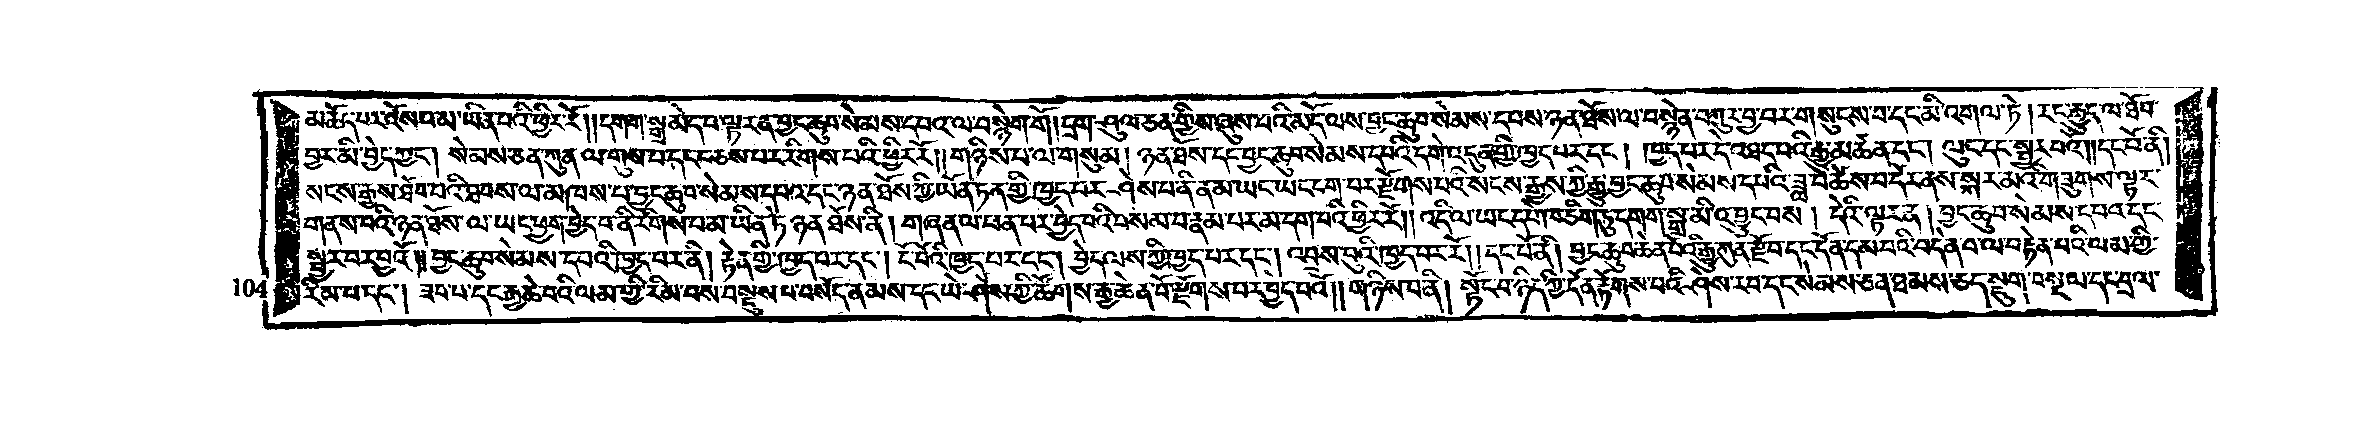མཆོད་པར་འོས་པ་མ་ཡིན་པའི་ཕྱིར་རོ། །དགག་སྒྲ་མེད་པ་ལྟར་ན་བྱང་ཆུབ་སེམས་དཔའ་ལ་བསྙེག་གོ །དྲག་ཤུལ་ཅན་གྱིས་ཞུས་པའི་མདོ་ལས་བྱང་ཆུབ་སེམས་དཔས་ཉན་ཐོས་ལ་བསྙེན་བཀུར་བྱ་བར་གསུངས་པ་དང་མི་འགལ་ཏེ། རང་རྒྱུད་ལ་ཐོབ་
བྱར་མི་བྱེད་ཀྱང་། སེམས་ཅན་ཀུན་ལ་གུས་པ་དང་བཅས་པར་རིགས་པའི་ཕྱིར་རོ། །གཉིས་པ་ལ་གསུམ། ཉན་ཐོས་དང་བྱང་ཆུབ་སེམས་དཔའི་དགེ་འདུན་གྱི་ཁྱད་པར་དང་། ཁྱད་པར་དེ་འཐད་པའི་རྒྱུ་མཚན་དང་། ལུང་དང་སྦྱར་བའོ། །དང་པོ་ནི།
སངས་རྒྱས་ཐོབ་པའི་ཐབས་ལ་མཁས་པ་བྱང་ཆུབ་སེམས་དཔའ་དང་ཉན་ཐོས་ཀྱི་ཡོན་ཏན་གྱི་ཁྱད་པར་ཤེས་པ་ནི་ནམ་ཡང་ཡང་དག་པར་རྫོགས་པའི་སངས་རྒྱས་ཀྱི་རྒྱུ་བྱང་ཆུབ་སེམས་དཔའི་ཟླ་བ་ཚེས་པ་དོར་ནས་སྐར་མའི་གཟུགས་ལྟར་
གནས་པའི་ཉན་ཐོས་ལ་ཡང་ཕྱག་བྱེད་པ་ནི་རིགས་པ་མ་ཡིན་ཏེ་ཉན་ཐོས་ནི། གཞན་ལ་ཕན་པར་བྱེད་པའི་བསམ་པ་རྣམ་པར་མ་དག་པའི་ཕྱིར་རོ། །འདི་ལ་ཡང་དཔེ་ཁ་ཅིག་ཏུ་དགག་སྒྲ་མི་འབྱུང་བས། དེའི་ལྟར་ན། བྱང་ཆུབ་སེམས་དཔའ་དང་
སྦྱར་བར་བྱའོ། །བྱང་ཆུབ་སེམས་དཔའི་ཁྱད་པར་ནི། རྟེན་གྱི་ཁྱད་པ་དང་། ངོ་བོའི་ཁྱད་པར་དང་། བྱེད་ལས་ཀྱི་ཁྱད་པར་དང་། འབྲས་བུའི་ཁྱད་པར་རོ། །དང་པོ་ནི། བྱང་ཆུབ་ཆེན་པོའི་རྒྱུ་ཀུན་རྫོབ་དང་དོན་དམ་པའི་བདེན་པ་ལ་བརྟེན་པའི་ལམ་གྱི་
རིམ་པ་དང་། ཟབ་པ་དང་རྒྱ་ཆེ་བའི་ལམ་གྱི་རིམ་པས་བསྡུས་པ་བསོད་ནམས་དང་ཡེ་ཤེས་ཀྱི་ཚོགས་རྒྱ་ཆེན་པོ་རྫོགས་པར་བྱེད་པའོ། །གཉིས་པ་ནི། སྟོང་པ་ཉིད་ཀྱི་དོན་རྟོགས་པའི་ཤེས་རབ་དང་སེམས་ཅན་ཐམས་ཅད་སྡུག་བསྔལ་དང་བྲལ་